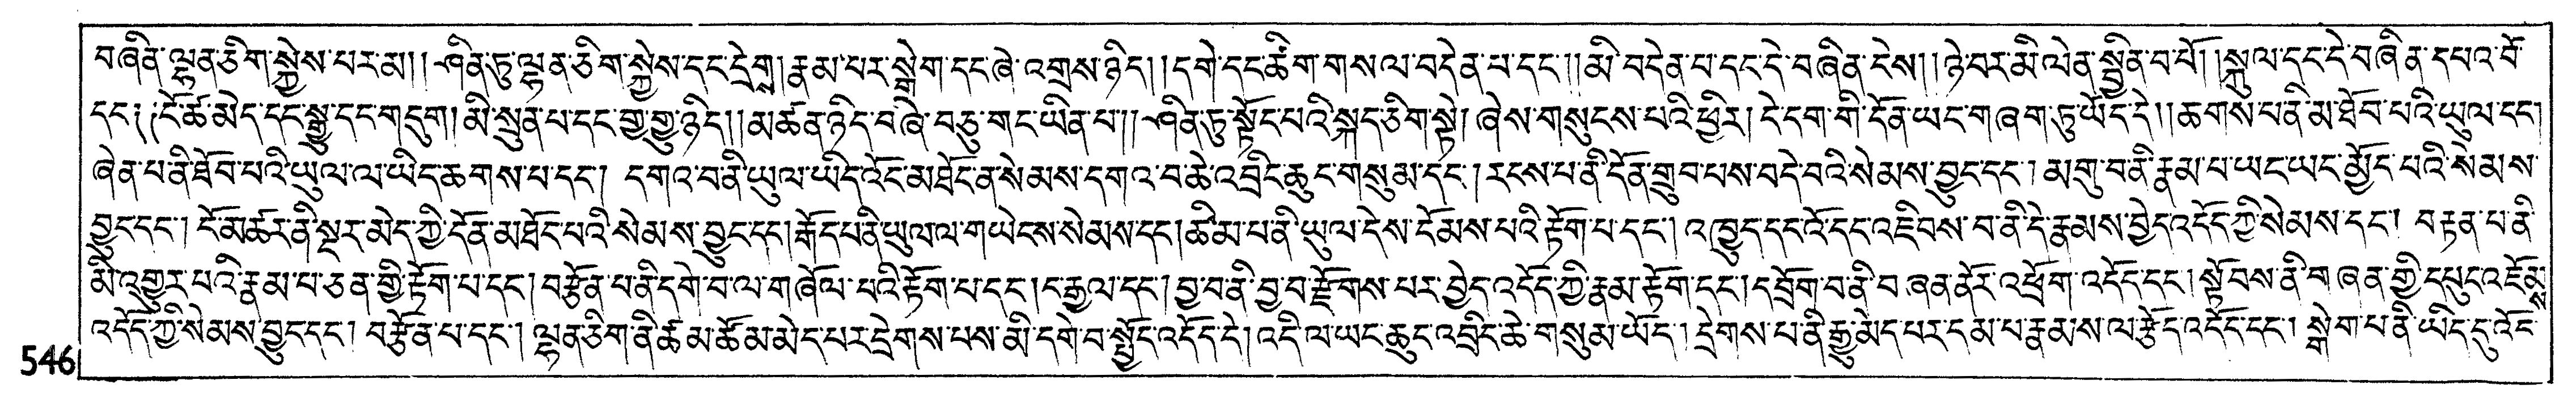བཞིན་ལྷན་ཅིག་སྐྱེས་པར་མ། །ཤིན་ཏུ་ལྷན་ཅིག་སྐྱེས་དང་དྲེགས། རྣམ་པར་སྒེག་དང་ཞེ་འགྲས་ཉིད། །དགེ་དང་ཚིག་གསལ་བདེན་པ་དང་། །མི་བདེན་པ་དང་དེ་བཞིན་ངེས། །ཉེ་བར་མི་ལེན་སྦྱིན་པ་པོ། །སྐུལ་དང་དེ་བཞིན་དཔའ་བོ་
དང༑ ༑ངོ་ཚ་མེད་དང་སྒྱུ་དང་གདུག །མི་སྲུན་པ་དང་གྱ་གྱུ་ཉིད། །མཚན་ཉིད་བཞི་བཅུ་གང་ཡིན་པ། །ཤིན་ཏུ་སྟོང་པའི་སྐད་ཅིག་སྟེ། ཞེས་གསུངས་པའི་ཕྱིར། དེ་དག་གི་དོན་ཡང་གཞག་ཏུ་ཡོད་དེ། །ཆགས་པ་ནི་མ་ཐོབ་པའི་ཡུལ་དང་།
ཞེན་པ་ནི་ཐོབ་པའི་ཡུལ་ལ་ཡིད་ཆགས་པ་དང་། དགའ་བ་ནི་ཡུལ་ཡིད་འོང་མཐོང་ན་སེམས་དགའ་བ་ཆེ་འབྲིང་ཆུང་གསུམ་དང་། རངས་པ་ནི་དོན་གྲུབ་པས་བདེ་བའི་སེམས་བྱུང་དང་། མགུ་བ་ནི་རྣམ་པ་ཡང་ཡང་མྱོང་པའི་སེམས་
བྱུང་དང་། ངོ་མཚར་ནི་སྔར་མེད་ཀྱི་དོན་མཐོང་པའི་སེམས་བྱུང་དང་། རྒོད་པ་ནི་ཡུལ་ལ་གཡེངས་སེམས་དང་། ཚིམ་པ་ནི་ཡུལ་དེས་ངོམས་པའི་རྟོག་པ་དང་། འཁྱུད་དང་འོ་དང་འཇིབས་བ་ནི་དེ་རྣམས་བྱེད་འདོད་ཀྱི་སེམས་དང་། བརྟན་པ་ནི་
མི་འགྱུར་པའི་རྣམ་པ་ཅན་གྱི་རྟོག་པ་དང་། བརྩོན་པ་ནི་དགེ་བ་ལ་གཞོལ་པའི་རྟོག་པ་དང་། ང་རྒྱལ་དང་། བྱ་བ་ནི་བྱ་བ་རྫོགས་པར་བྱེད་འདོད་ཀྱི་རྣམ་རྟོག་དང་། དབྲོག་བ་ནི་གཞན་ནོར་འཕྲོག་འདོད་དང་། སྟོབས་ནི་གཞན་གྱི་དཔུང་འཇོམས་
འདོད་ཀྱི་སེམས་བྱུང་དང་། བརྩོན་པ་དང་། ལྷན་ཅིག་ནི་ཚམ་ཚོམ་མེད་པར་དྲེགས་པས་མི་དགེ་བ་སྤྱོད་འདོད་དེ། འདི་ལ་ཡང་ཆུང་འབྲིང་ཆེ་གསུམ་ཡོད། དྲེགས་པ་ནི་རྒྱུ་མེད་པར་དམ་པ་རྣམས་ལ་རྩོད་འདོད་དང་། སྒེག་པ་ནི་ཡིད་དུ་འོང་